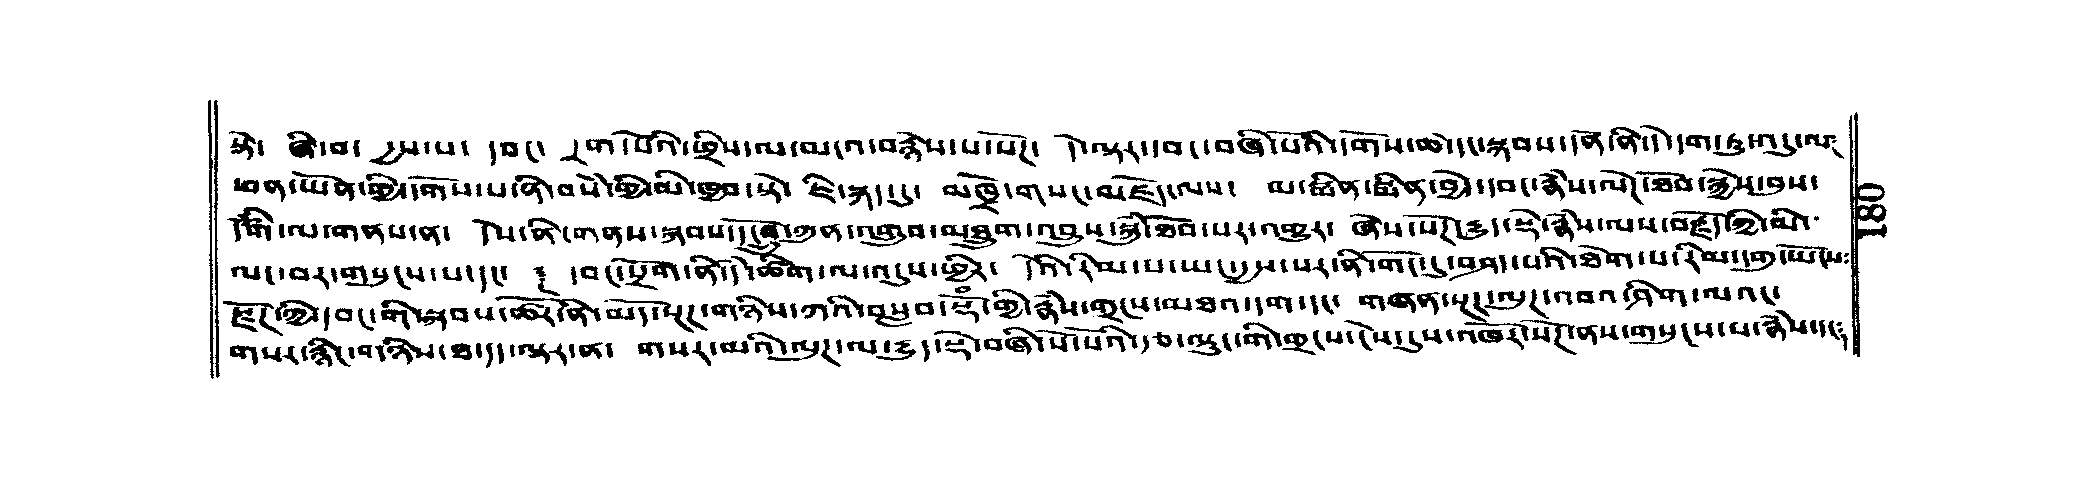སྟེ། ཞི་བ། རྒྱས་པ། དབང་། དྲག་པོའི་ཕྲིན་ལས་ལ་མངའ་བརྙེས་པ་སོགས། དེ་ལྟར་དབང་བཞི་པོའི་དགོས་ཆེད་དང་སྐབས་དོན་ནི་དེ་དག་ཏུ་འདུ་ལགས། 
ཕན་ཡོན་གྱི་དགོས་པ་ནི་བསམ་གྱི་མི་ཁྱབ་སྟེ། ཇི་སྐད་དུ། མཁའ་འགྲོ་གསང་མཛོད་ལས། མ་སྨིན་སྨིན་བྱེད་དབང་རྣམས་ལེགས་ཐོབ་སྐྱེས་བུས་
དམ་ཚིག་ལ་གནས་ན། །དེས་ནི་གནས་སྐབས་དངོས་གྲུབ་ཀུན་འགྲུབ་མཐར་ཐུག་འབྲས་བུ་སྐུ་གསུམ་ཐོབ་པར་འགྱུར།ཞེས་སོགས་རྒྱུད་སྡེ་རྣམས་ལས་བརྗོད་ཀྱི་མི་
ལང་བར་གསུངས་པ་དང་། དབང་སྲོག་ནི་དམ་ཚིག་ལ་འདུས་ཕྱིར། དེའི་རིམ་པ་ཡང་རྒྱས་པར་ནི་གོང་དུ་བཤད་པའི་ཐེག་པ་རིམ་དགུ་ཡོངས་
རྫོགས་ཀྱི་དབང་གི་སྐབས་ཚོར་ནི་མདོ་སྔགས་གཉིས་ཀའི་བསླབ་སྡོམ་གྱི་རྣམ་གྲངས་མཐའ་དག་དང་། གཞན་སྔགས་ལུགས་འབའ་ཤིག་ལའང་
གསར་རྙིང་གཉིས་ཐ་དད་ལྟར་ན། གསར་མའི་ལུགས་ལ་རྒྱུད་སྡེ་བཞི་སོ་སོའི་རྩ་ལྟུང་གི་གྲངས་ངེས་དུས་འཁོར་སོགས་ནས་གསུངས་པ་རྣམས་དང་།